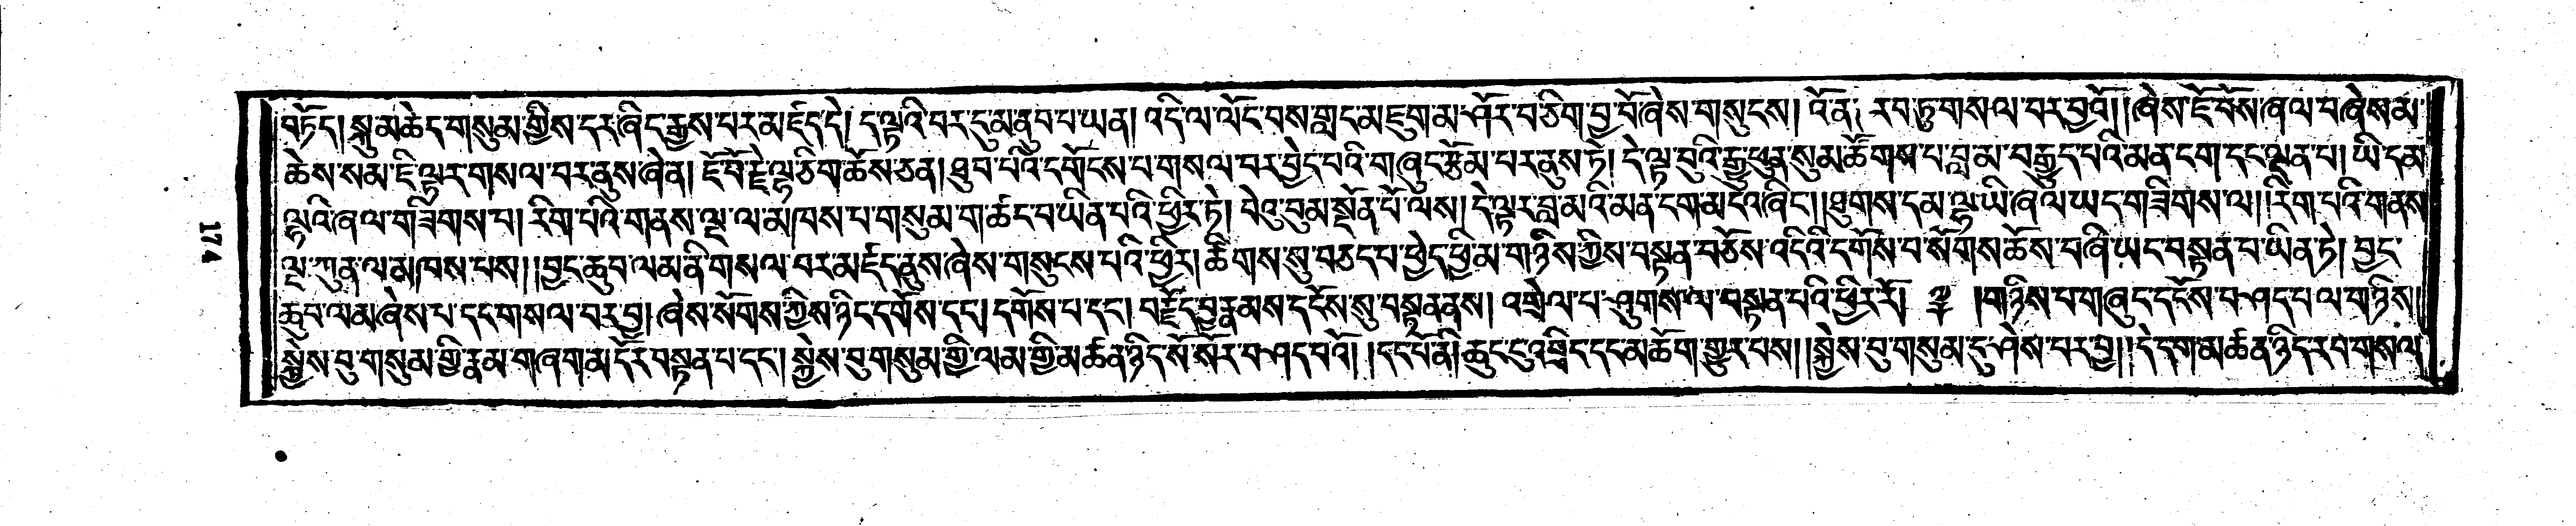བཏོད། སྐུ་མཆེད་གསུམ་གྱིས་དར་ཞིང་རྒྱས་པར་མཛད་དེ། ད་ལྟའི་བར་དུ་མ་ནུབ་པ་ཡིན། འདི་ལ་ལོང་བས་གླང་མཇུག་མ་ཤོར་བ་ཅིག་བྱ་བོ་ཞེས་གསུངས། འོ་ན། རབ་ཏུ་གསལ་བར་བྱའོ། །ཞེས་ཇོ་བོས་ཞལ་བཞེས་མ་
ཆེས་སམ་ཇི་ལྟར་གསལ་བར་ནུས་ཞེ་ན། ཇོ་བོ་རྗེ་ལྷ་ཅིག་ཆོས་ཅན། ཐུབ་པའི་དགོངས་པ་གསལ་བར་བྱེད་པའི་གཞུང་རྩོམ་པར་ནུས་ཏེ། དེ་ལྟ་བུའི་རྒྱུ་ཕུན་སུམ་ཚོགས་པ་བླ་མ་བརྒྱུད་པའི་མན་ངག་དང་ལྡན་པ། ཡི་དམ་
ལྷའི་ཞལ་གཟིགས་པ། རིག་པའི་གནས་ལྔ་ལ་མཁས་པ་གསུམ་ག་ཚང་བ་ཡིན་པའི་ཕྱིར་ཏེ། བེའུ་བུམ་སྔོན་པོ་ལས། དེ་ལྟར་བླ་མའི་མན་ངག་མངའ་ཞིང་། །ཐུགས་དམ་ལྷ་ཡི་ཞལ་ཡང་གཟིགས་ལ། །རིག་པའི་གནས་
ལྔ་ཀུན་ལ་མཁས་པས། །བྱང་ཆུབ་ལམ་ནི་གསལ་བར་མཛད་ནུས་ཞེས་གསུངས་པའི་ཕྱིར། ཚིགས་སུ་བཅད་པ་ཕྱེད་ཕྱི་མ་གཉིས་ཀྱིས་བསྟན་བཅོས་འདིའི་དགོས་པ་སོགས་ཆོས་བཞི་ཡང་བསྟན་པ་ཡིན་ཏེ། བྱང་
ཆུབ་ལམ་ཞེས་པ་དང་གསལ་བར་བྱ། ཞེས་སོགས་ཀྱིས་ཉིད་དགོས་དང་། དགོས་པ་དང་། བརྗོད་བྱ་རྣམས་དངོས་སུ་བསྟན་ནས། འགྲེལ་པ་ཤུགས་ལ་བསྟན་པའི་ཕྱིར་རོ། ༈ །གཉིས་པ་གཞུང་དངོས་བཤད་པ་ལ་གཉིས་
སྐྱེས་བུ་གསུམ་གྱི་རྣམ་གཞག་མདོར་བསྟན་པ་དང་། སྐྱེས་བུ་གསུམ་གྱི་ལམ་གྱི་མཚན་ཉིད་སོ་སོར་བཤད་པའོ། །དང་པོ་ནི། ཆུང་ངུ་འབྲིང་དང་མཆོག་གྱུར་པས། །སྐྱེས་བུ་གསུམ་དུ་ཤེས་པར་བྱ། །དེ་དག་མཚན་ཉིད་རབ་གསལ་